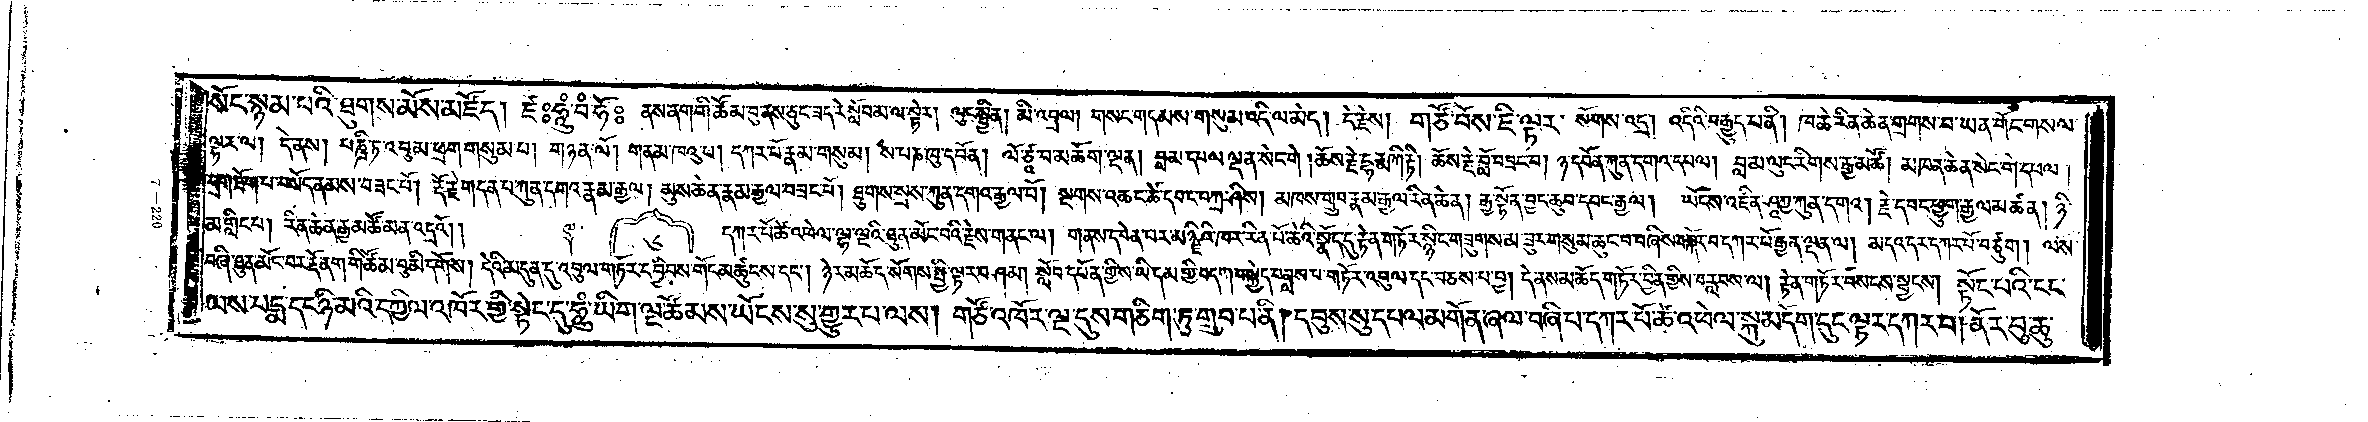སོང་སྙམ་པའི་ཐུགས་མོས་མཛོད། ཛཿཧཱུཾ་བཾ་ཧོཿ ནས་ནག་གི་ཚོམ་བུ་ནས་ཅུང་ཟད་རེ་སློབ་མ་ལ་སྟེར། ལུང་སྦྱིན། མི་འབྲལ། གསང་གདམས་གསུམ་འདི་ལ་མེད། དེ་རྗེས།  གཙོ་བོས་ཇི་ལྟར་སོགས་འདྲ། འདིའི་བརྒྱུད་པ་ནི། ཁ་ཆེ་རིན་ཆེན་གྲགས་པ་ཡན་གོང་གསལ་
ལྟར་ལ། དེ་ནས། པཎྜི་ཏ་འབུམ་ཕྲག་གསུམ་པ། གཉན་ལོ། གནམ་ཁའུ་པ། དཀར་པོ་རྣམ་གསུམ། ས་པཎ་ཁུ་དཔོན། ལོ་ཙཱ་བ་མཆོག་ལྡན། བླ་མ་དཔལ་ལྡན་སེང་གེ། ཆོས་རྗེ་དྷརྨ་ཀིརྟི། ཆོས་རྗེ་བློ་བཟང་པ། ཉ་དབོན་ཀུན་དགའ་དཔལ། བླ་མ་ལུང་རིགས་རྒྱ་མཚོ། མཁན་ཆེན་སེང་གེ་དཔལ།
བྲག་ཐོག་པ་བསོད་ནམས་བཟང་པོ། རྡོ་རྗེ་གདན་པ་ཀུན་དགའ་རྣམ་རྒྱལ་མུས་ཆེན་རྣམ་རྒྱལ་བཟང་པོ། ཐུགས་སྲས་ཀུན་དགའ་རྒྱལ་པོ། སྔགས་འཆང་ཚེ་དབང་བཀྲ་ཤིས། མཁས་གྲུབ་རྣམ་རྒྱལ་རིན་ཆེན། རྒྱ་སྟོན་བྱང་ཆུབ་དབང་རྒྱལ། ལོངས་འཛིན་ཤཱཀྱ་ཀུན་དགའ། རྗེ་དབང་ཕྱུག་རྒྱལ་མཚན། ཉི་
མ་གླིང་པ། རིན་ཆེན་རྒྱ་མཚོ་མན་འདྲའོ། །༈ ༼༽༦༼༽ དཀར་པོ་ཚེ་འཕེལ་ལྷ་ལྔའི་ཐུན་མོང་བའི་རྗེས་གནང་ལ། གནས་དབེན་པར་མཉྫིའི་ཁར་རིན་པོ་ཆེའི་སྣོད་དུ་རྟེན་གཏོར་སྙིང་གཟུགས་མ་ཟུར་གསུམ་ཆུང་བ་བཞིས་བསྐོར་བ་དཀར་པོ་རྒྱན་ལྡན་ལ། མདའ་དར་དཀར་པོ་བཙུག། ལས་
བཞི་ཐུན་མོང་པར་རྡོ་ནག་གི་ཚོམ་བུ་མི་དགོས། དེའི་མདུན་དུ་འབུལ་གཏོར་དབྱིབས་གོང་མཚུངས་དང་། ཉེར་མཆོད་སོགས་སྤྱི་ལྟར་བཤམ། སློབ་དཔོན་གྱིས་ཡི་དམ་གྱི་བདག་བསྐྱེད་བཟླས་པ་གཏོར་འབུལ་དང་བཅས་པ་བྱ། དེ་ནས་མཆོད་གཏོར་བྱིན་གྱིས་བརླབས་ལ། རྟེན་གཏོར་མ་བསངས་སྦྱངས། སྟོང་པའི་ངང་
ལས་པདམ་དང་ཉི་མའི་དཀྱིལ་འཁོར་གྱི་སྟེང་དུ་ཧཱུཾ་ཡིག་ལྔ་ཚོམས་ཡོངས་སུ་གྱུར་པ་ལས། གཙོ་འཁོར་ལྔ་དུས་གཅིག་ཏུ་གྲུབ་པ་ནི། དབུས་སུ་དཔལ་མགོན་ཞལ་བཞི་པ་དཀར་པོ་ཚེ་འཕེལ་སྐུ་མདོག་དུང་ལྟར་དཀར་བ། ནོར་བུ་ཆུ་